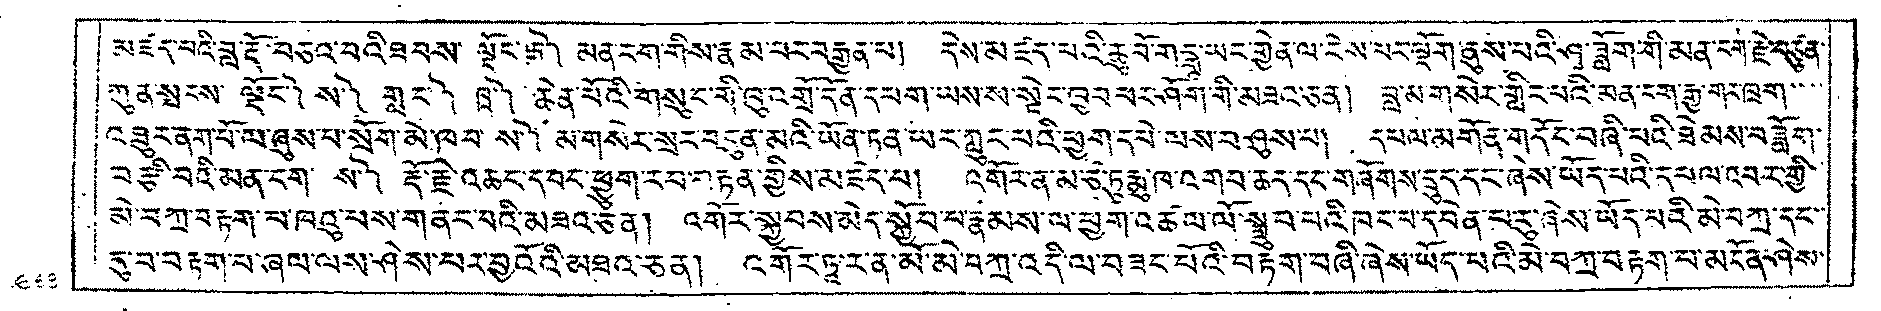མཛད་པའི་བླ་རྡོ་བཅའ་བའི་ཐབས་ལྡོང་~྾?་མན་ངག་གིས་རྣམ་པར་བརྒྱན་པ། དེས་མཛད་པའི་ཆུ་བོ་གངྒཱ་ཡང་གྱེན་ལ་ངེས་པར་ལྡོག་ནུས་པའི་ཤྭ་ཟློག་གི་མན་ངག་རྗེ་བཙུན་
ཀུན་སྤངས་ལྡོང྄་ས྄་གླང་ཁྲ྄་ཆེན་པོའི་གསུང་གི་ཁུ་འགྲོ་དོན་དཔག་ཡས་ས་སྟེང་ཁྱབ་པར་ཤོག་གི་མཐའ་ཅན། བླ་མ་གསེར་གླིང་པའི་མན་ངག་རྒྱ་གར་ཁྲག་
འཐུང་ནག་པོ་ལ་ཞུས་པ་སྲོག་མེ་ཁབ་ས྄་མ་གསེར་སྲང་བདུན་མའི་ཡོན་ཏན་ཡར་ཀླུང་པའི་ཕྱག་དཔེ་ལས་བཤུས་པ། དཔལ་མགོན་གདོང་བཞི་པའི་ཐེམས་བཟློག་
བརྩི་བའི་མན་ངག་ས྄་རྡོ་རྗེ་འཆང་དབང་ཕྱུག་རབ་བརྟན་གྱིས་མཛད་པ། འགོར་ན་མ་ཙ་ཏུརྨུ་ཁ་འགབ་ཆད་དང་གཞོགས་དྲུད་དང་ཞེས་ཡོད་པའི་དཔལ་འབར་གྱི་
མེ་བཀྲ་བརྟག་པ་ཁའུ་པས་གནང་བའི་མཐའ་ཅན། འགོར་སྐྱབས་མེད་སྐྱོབ་པ་རྣམས་ལ་ཕྱག་འཚལ་ལོ་སྒྲུབ་པའི་ཁང་པ་དབེན་པ་རུ་ཞེས་ཡོད་པའི་མེ་བཀྲ་དང་
དུ་བ་བརྟག་པ་ཞལ་ལས་ཤེས་པར་བྱའོའི་མཐའ་ཅན། འགོར་ཏཱ་ར་ན་མོ་མེ་བཀྲ་འདི་ལ་བཟང་པོའི་བརྟག་བཞི་ཞེས་ཡོད་པའི་མེ་བཀྲ་བརྟག་པ་མངོན་ཤེས་